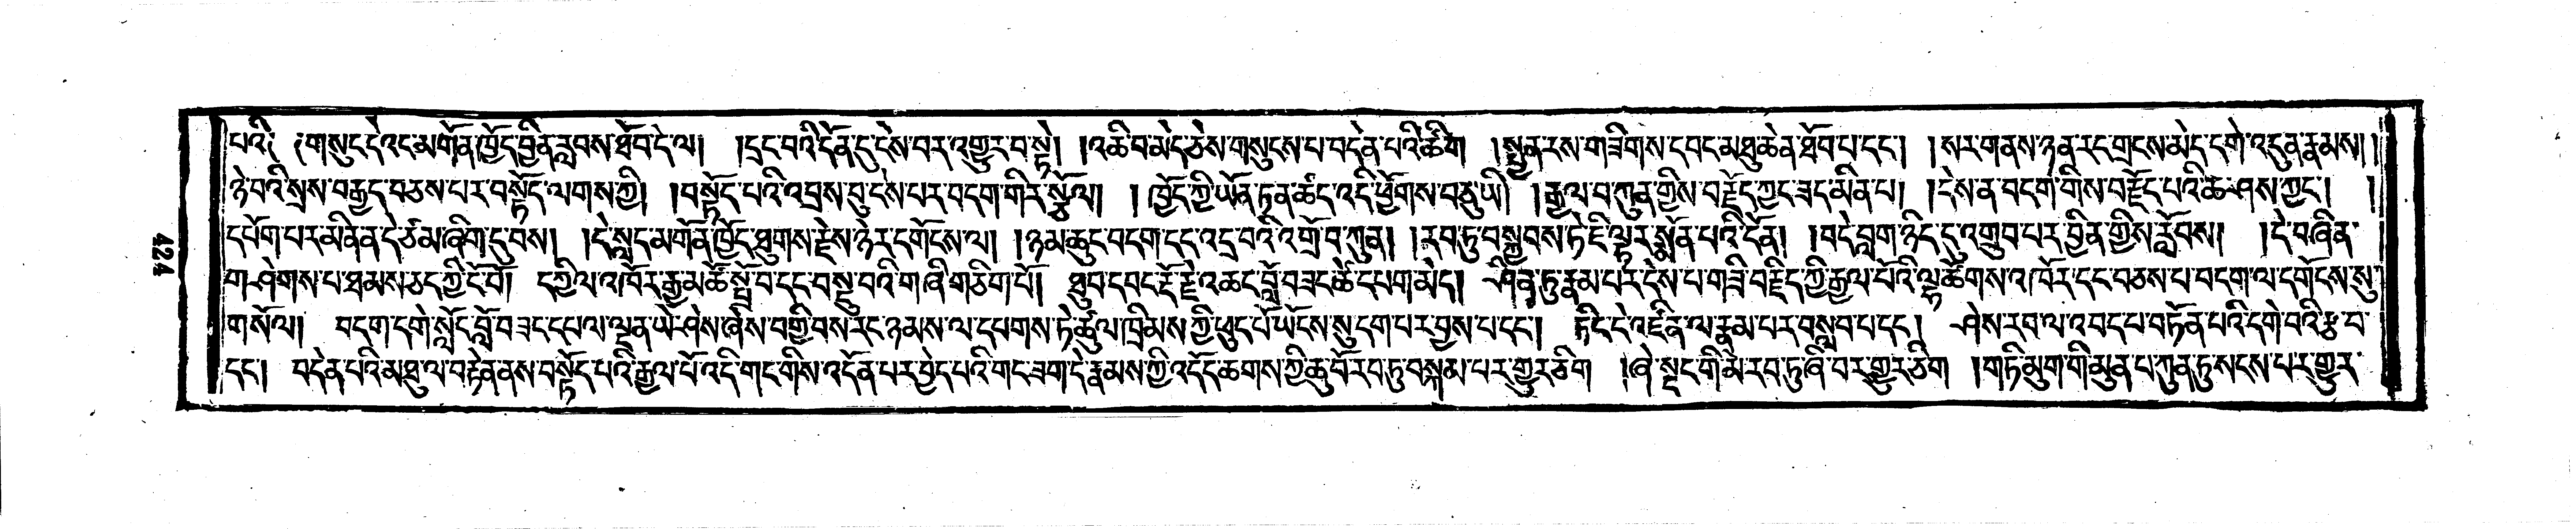པའི༑ ༑གསུང་དེའང་མགོན་ཁྱོད་བྱིན་རླབས་ཐོབ་དེ་ལ། །དྲང་བའི་དོན་དུ་ངེས་པར་འགྱུར་བ་སྟེ། །འཆི་བ་མེད་ཅེས་གསུངས་པ་བདེན་པའི་ཚིག །སྤྱན་རས་གཟིགས་དབང་མཐུ་ཆེན་ཐོབ་པ་དང་། །སར་གནས་ཉན་རང་གྲངས་མེད་དགེ་འདུན་རྣམས།།
ཉེ་བའི་སྲས་བརྒྱད་བཅས་པར་བསྟོད་ལགས་ཀྱི། །བསྟོད་པའི་འབྲས་བུ་ངེས་པར་བདག་གིར་སྩོལ། །ཁྱོད་ཀྱི་ཡོན་ཏན་ཚད་འདི་ཕྱོགས་བཅུ་ཡི། །རྒྱལ་བ་ཀུན་གྱིས་བརྗོད་ཀྱང་ཟད་མིན་པ། །དེས་ན་བདག་གིས་བརྗོད་པའི་ཆ་ཤས་ཀྱང་། །
དཔོག་པར་མིན་ན་དེ་ཙམ་ཞིག་དུ་བས། །དེ་སླད་མགོན་ཁྱོད་ཐུགས་རྗེས་ཉེར་དགོངས་ལ། །ཉམ་ཆུང་བདག་དང་འདྲ་བའི་འགྲོ་བ་ཀུན། །རབ་ཏུ་བསྐྱབས་ཏེ་ཇི་ལྟར་སྨོན་པའི་དོན། །བདེ་བླག་ཉིད་དུ་འགྲུབ་པར་བྱིན་གྱིས་རློབས། །དེ་བཞིན་
གཤེགས་པ་ཐམས་ཅད་ཀྱི་ངོ་བོ། དཀྱིལ་འཁོར་རྒྱ་མཚོ་སྤྲོ་བ་དང་བསྡུ་བའི་གཞི་གཅིག་པོ། ཐུབ་དབང་རྡོ་རྗེ་འཆང་བློ་བཟང་ཚེ་དཔག་མེད། ཤིན་ཏུ་རྣམ་པར་དེས་པ་གཟི་བརྗིད་ཀྱི་རྒྱལ་པོའི་ལྷ་ཚོགས་འཁོར་དང་བཅས་པ་བདག་ལ་དགོངས་སུ་
གསོལ། བདག་དགེ་སློང་བློ་བཟང་དཔལ་ལྡན་ཡེ་ཤེས་ཞེས་བགྱི་བས་རང་ཉམས་ལ་དཔགས་ཏེ་ཚུལ་ཁྲིམས་ཀྱི་ཕུང་པོ་ཡོངས་སུ་དག་པར་བྱས་པ་དང་། ཏིང་ངེ་འཛིན་ལ་རྣམ་པར་བསླབ་པ་དང་། ཤེས་རབ་ལ་འབད་པ་བཏོན་པའི་དགེ་བའི་རྩ་བ་
དང་། བདེན་པའི་མཐུ་ལ་བརྟེན་ནས་བསྟོད་པའི་རྒྱལ་པོ་འདི་གང་གིས་འདོན་པར་བྱེད་པའི་གང་ཟག་དེ་རྣམས་ཀྱི་འདོད་ཆགས་ཀྱི་ཆུ་བོ་རབ་ཏུ་བསྐམ་པར་གྱུར་ཅིག །ཞེ་སྡང་གི་མ་རབ་ཏུ་ཞི་བར་གྱུར་ཅིག །གཏི་མུག་གི་མུན་པ་ཀུན་ཏུ་སངས་པར་གྱུར་